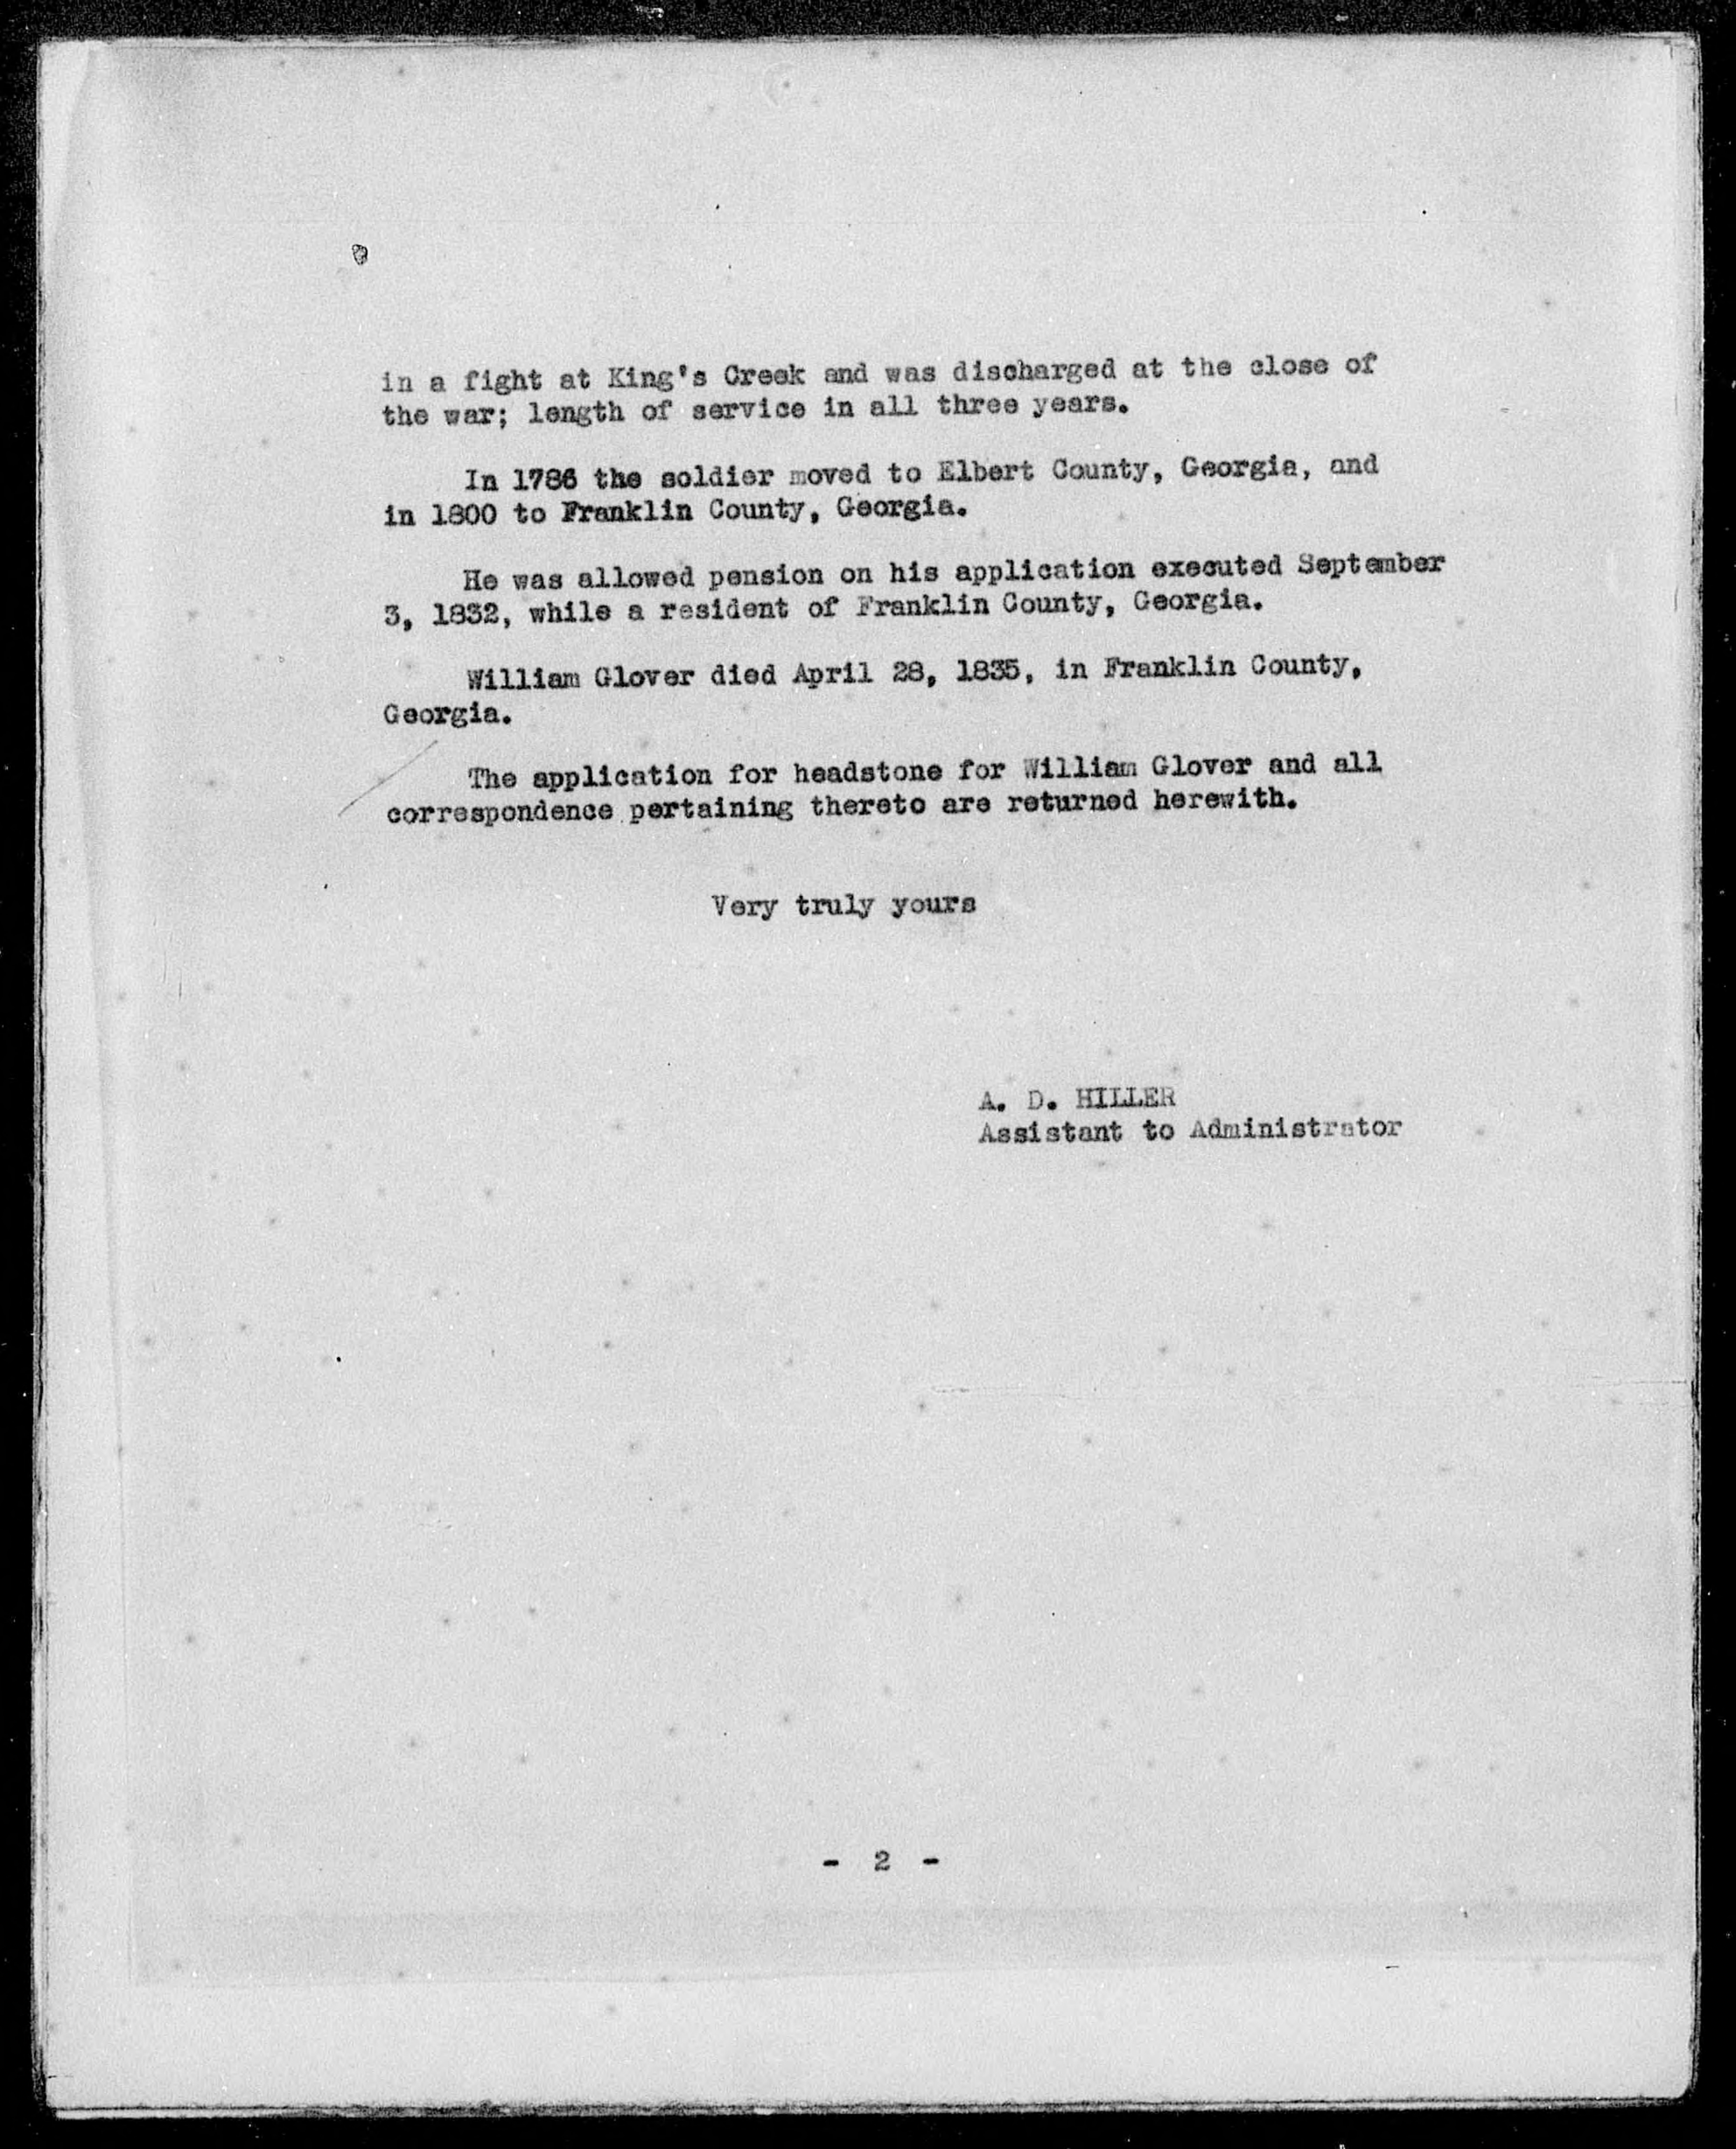in a fight at King's Creek and was discharged at the close of the war; length of service in all three years.
In 1786 the soldier moved to Elbert County, Georgia, and in 1800 to Franklin County, Georgia.
He was allowed pension on this application executed September 3, 1832, while a resident of Franklin County, Georgia.
William Glover died April 28, 1835, in Franklin County, Georgia.
The application for headstone for William Glover and all correspondence pertaining thereto are returned herewith.
Very truly yours
A. D. HILLER
Assistant to Administrator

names: A D Hiller, William Glover, William Glover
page: 51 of 51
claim: widow's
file: W. 929, William Glover, N.C.